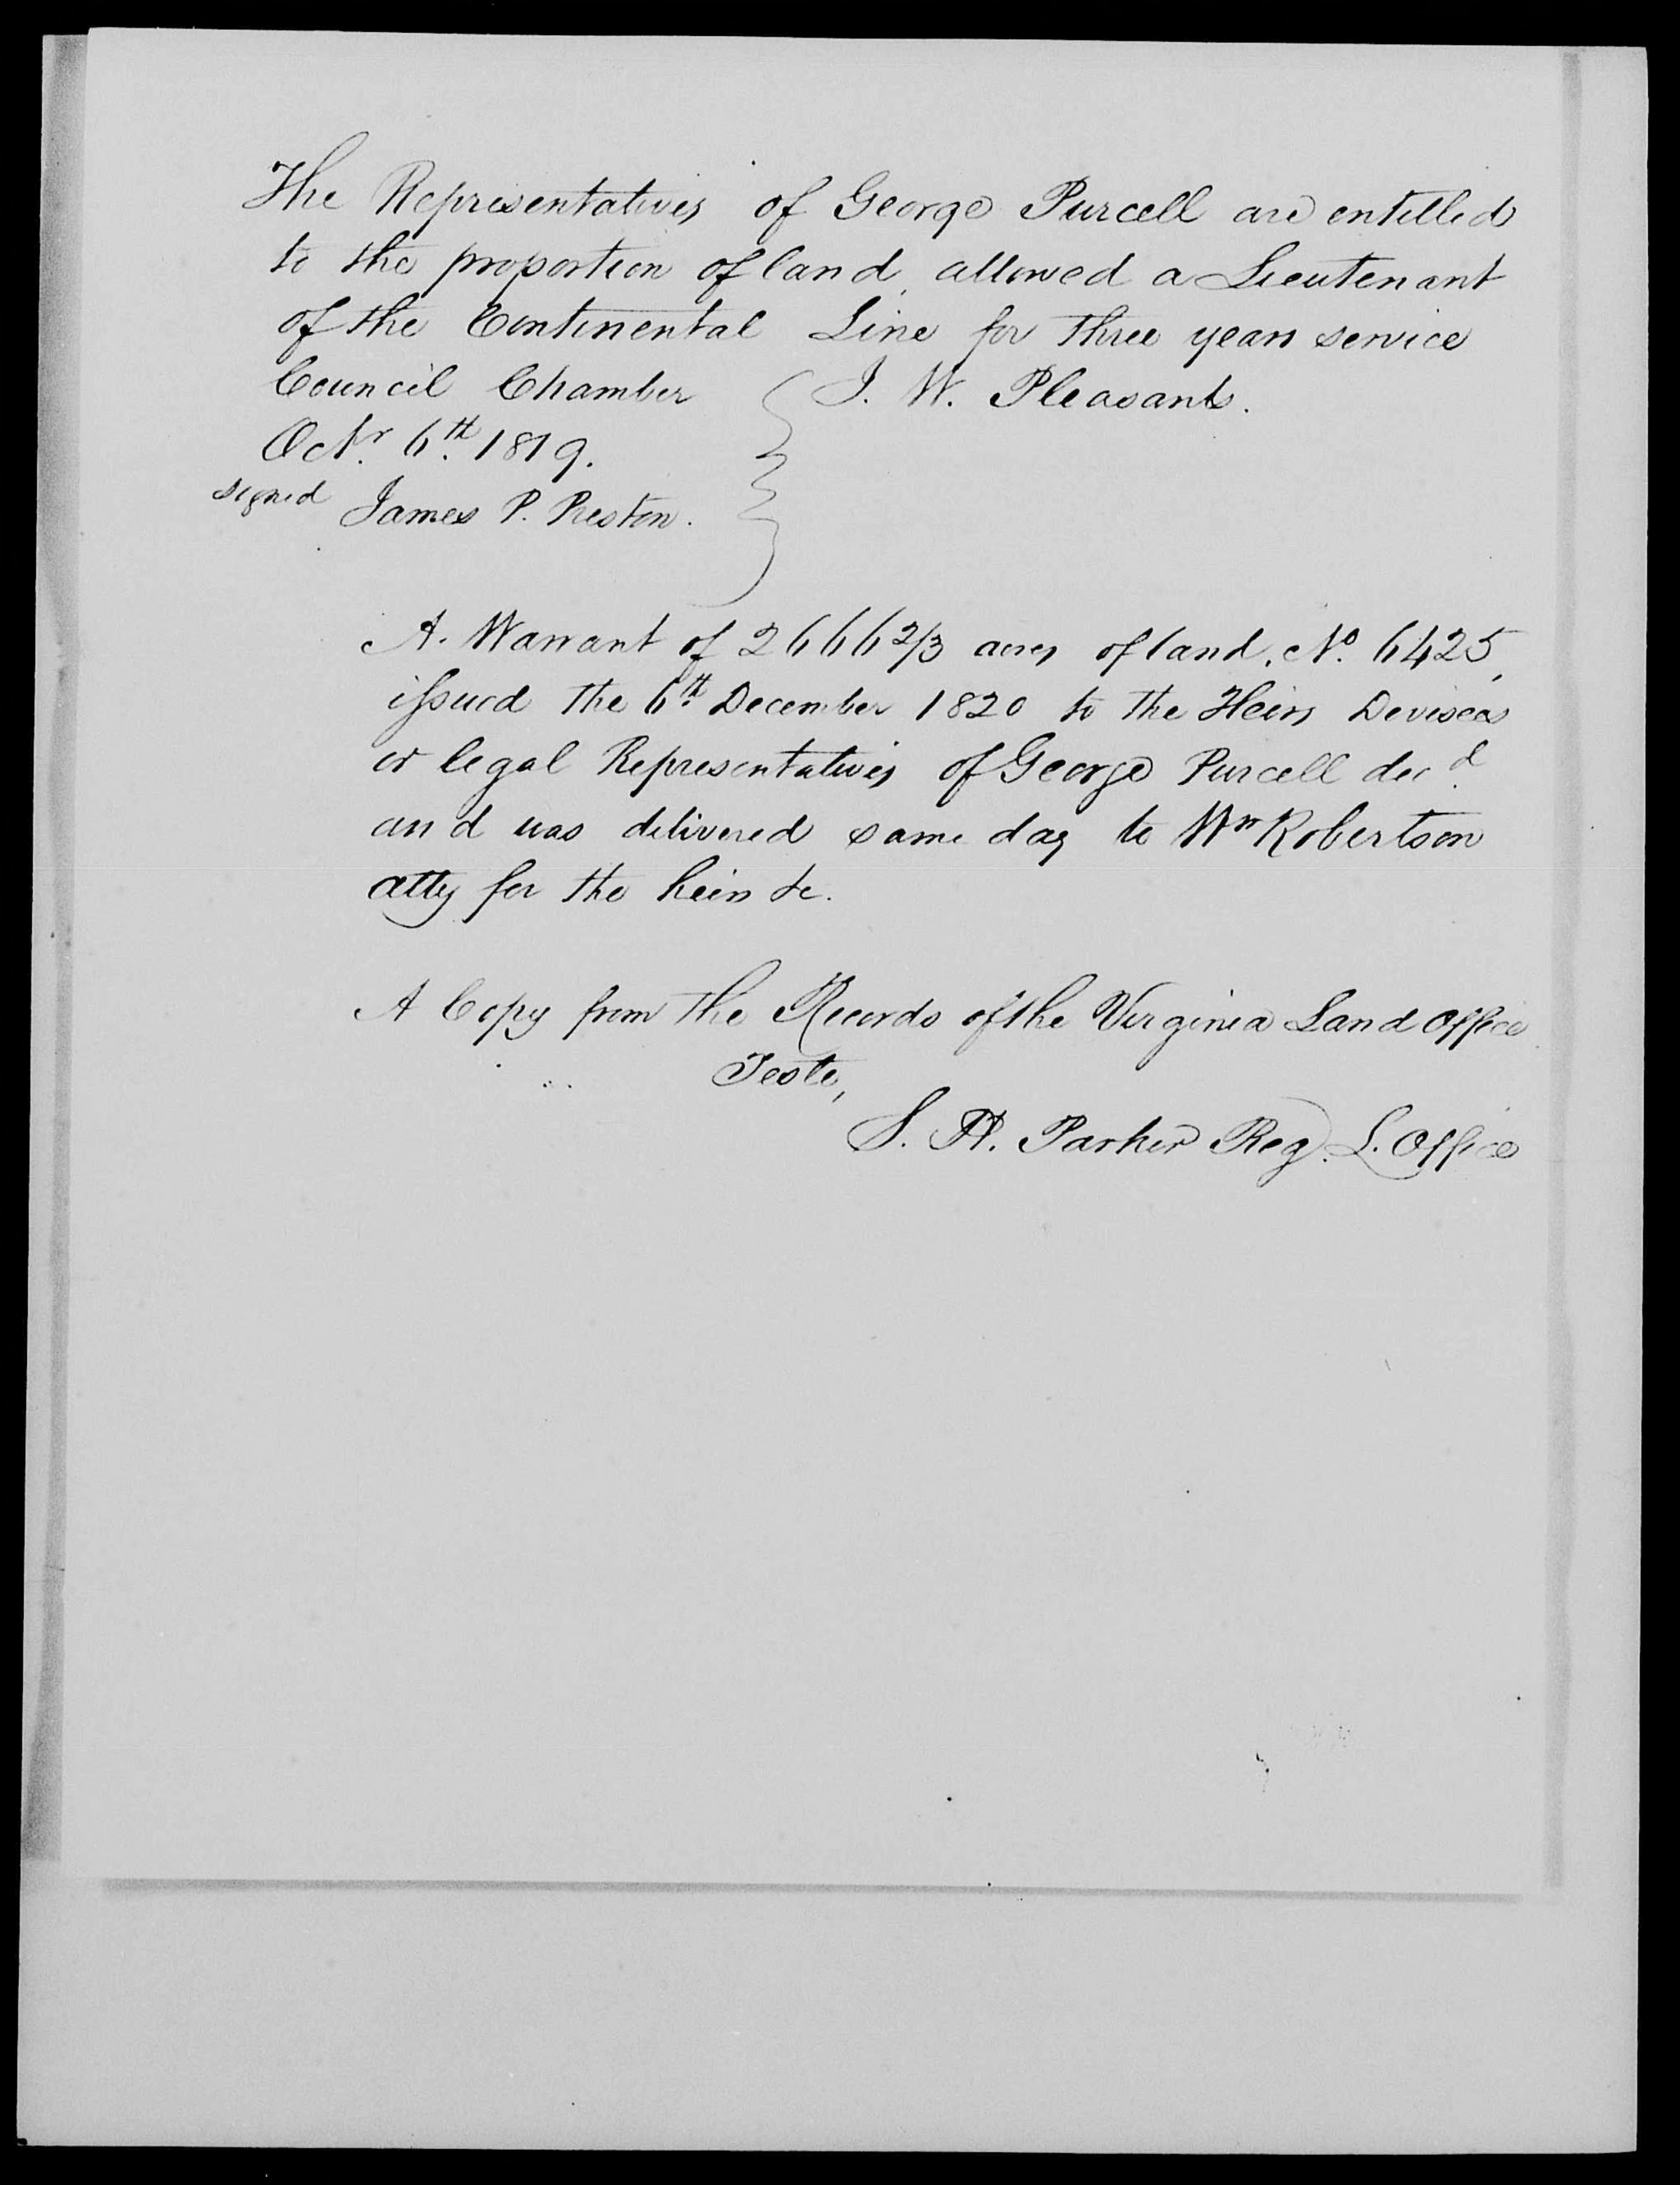the Representatives of George Purcell are entitled to the proportion of land allowed a Lieutenant of the Continental Line for three years service 
Council Chamber Octr 6th 1819 signed James P. Preston J. W. Pleasants
A. Warrant of 2666 2/3 acres of land No 6425, issued the 6th December 1820 to the Heirs Devisees or legal Representatives of George Purcell decd and was delivered same day to Wm Robertson atty for the heirs &c.
A Copy from the Records of the Virginia Land Office Teste, S. h. Parker Reg. L. Office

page: 20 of 86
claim: widow's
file: W. 6661, for George Purcell, Virginia